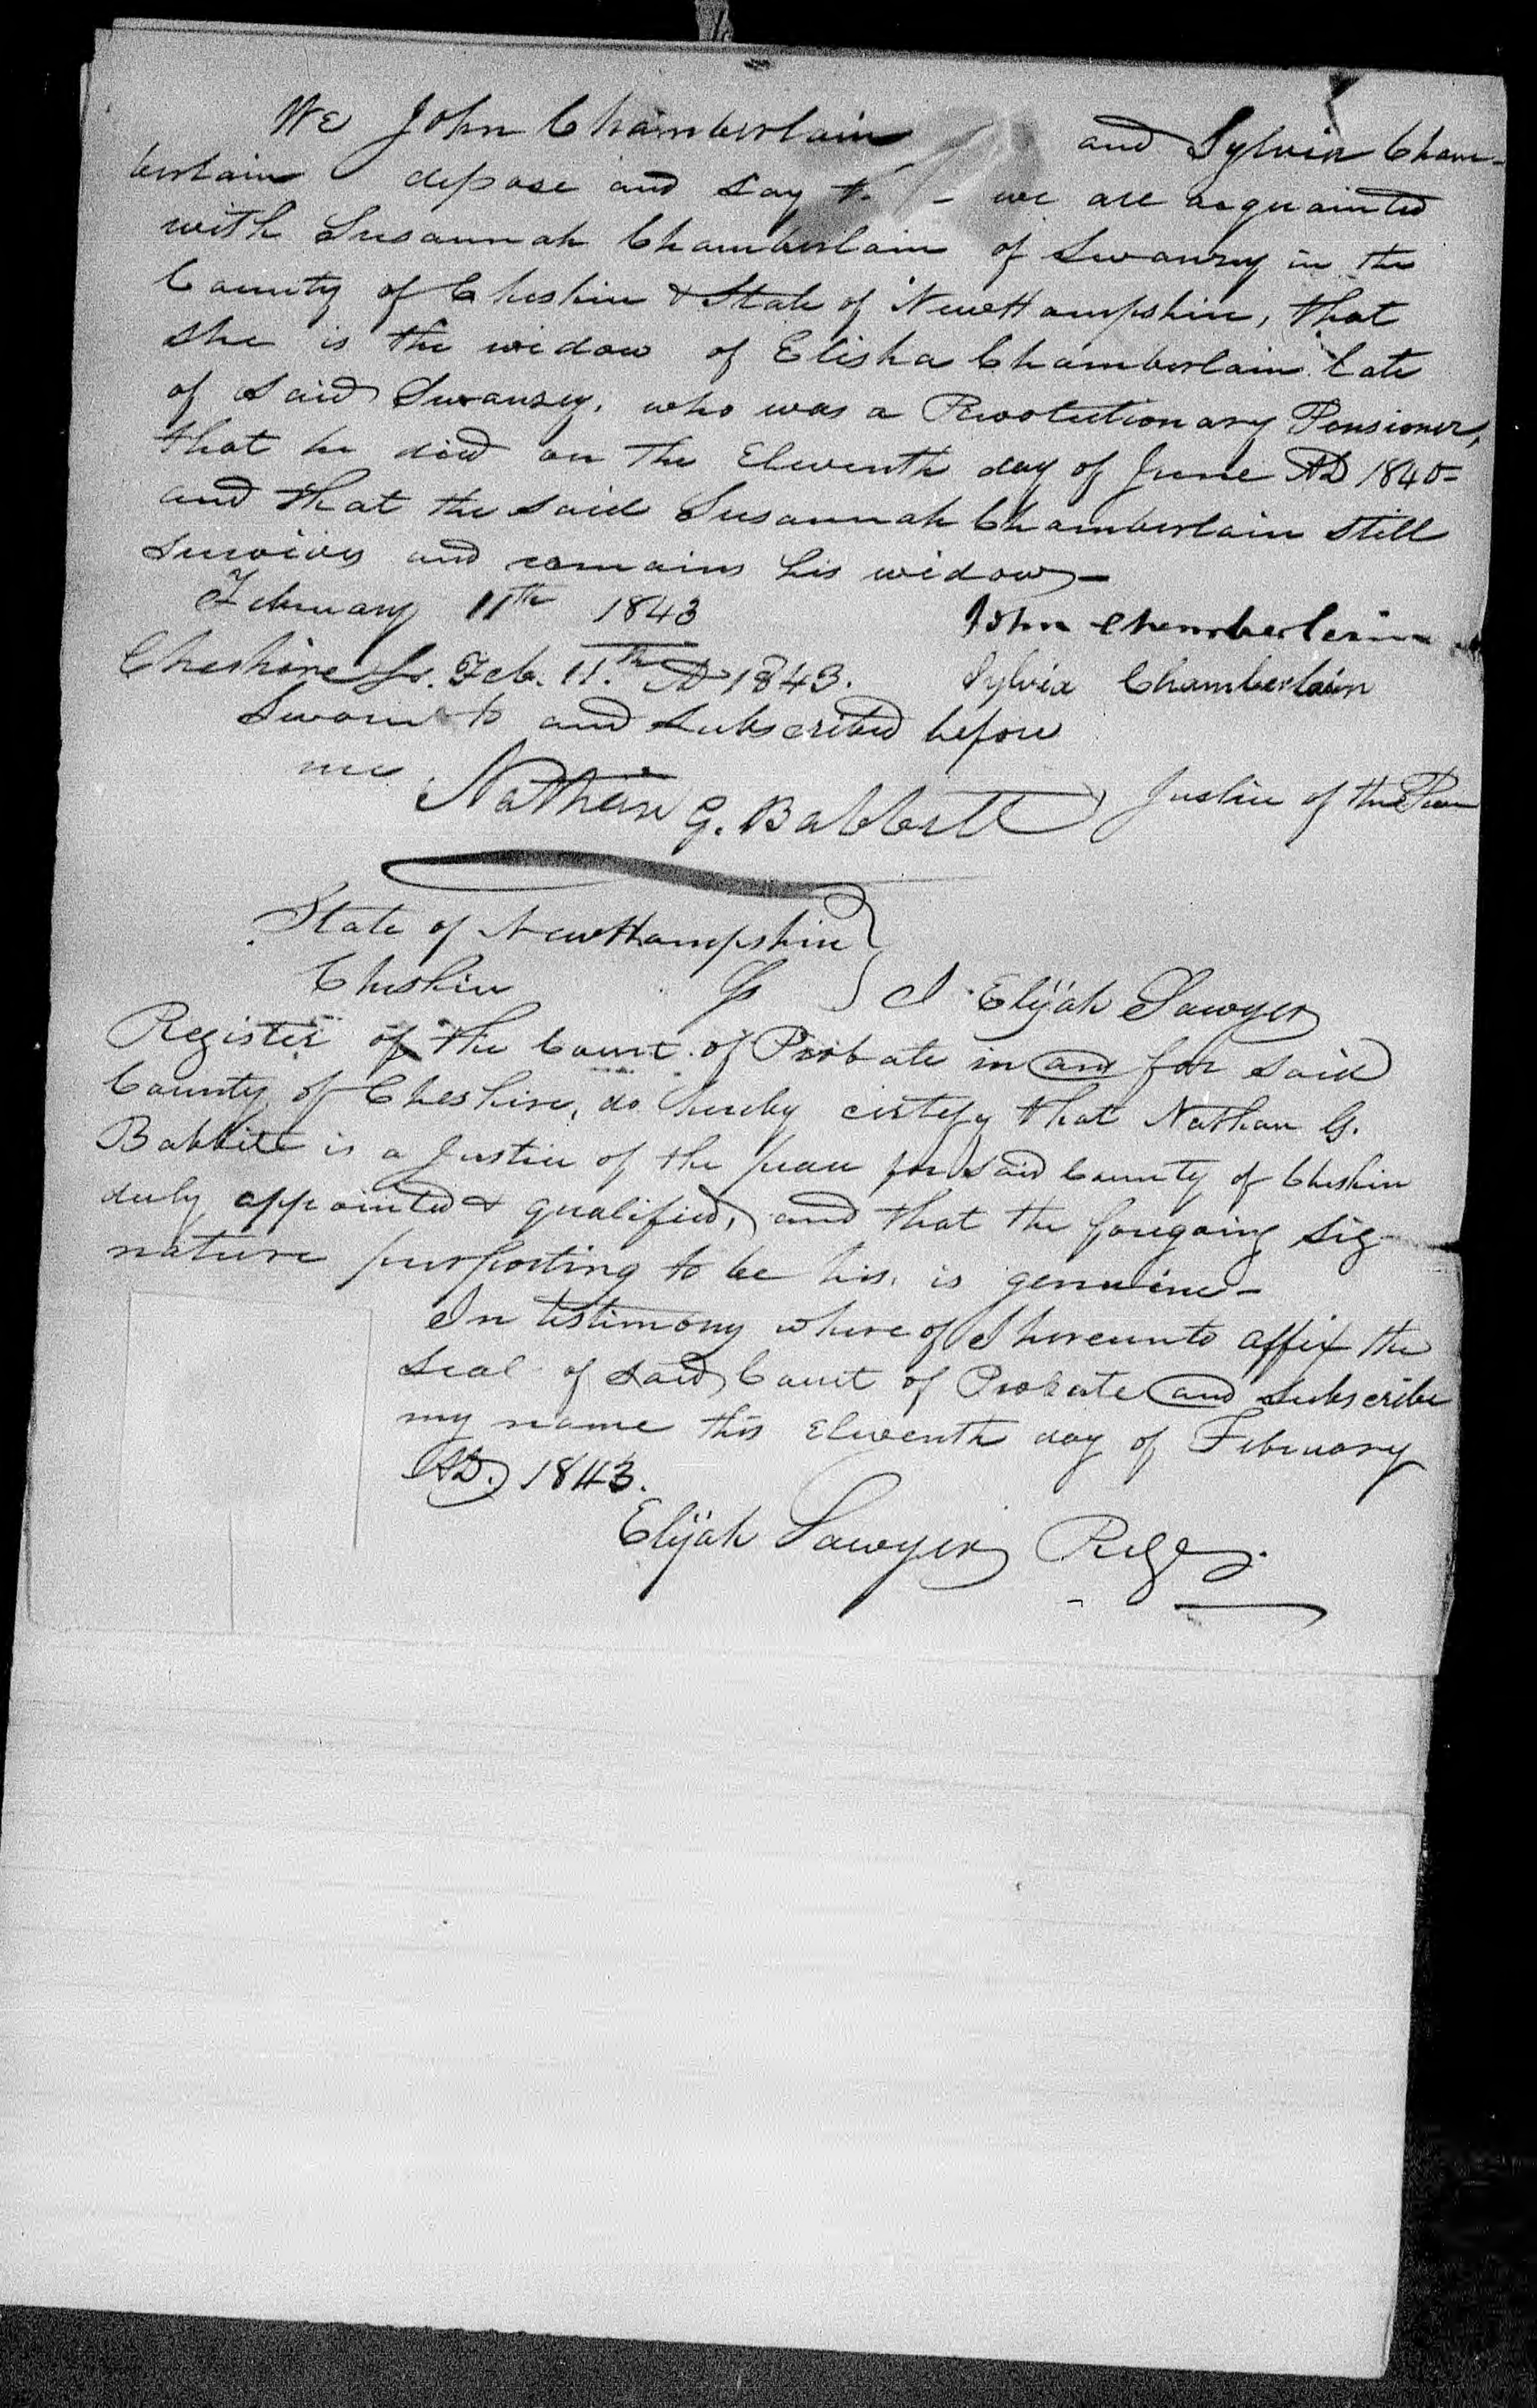We John Chamberlain and Sylvia Chamberlain depose and say that--we are acquainted with Susannah Chamberlain of Swanzy in the County of Cheshire & State of New Hampshire, that she is the widow of Elisha Chamberlain late of Said Swanzy, who was a Revolutionary Pensioner, that he died on the Eleventh day of June AD 1840--and that the Said Susannah Chamberlain still survives and remains his widow--
February 11th 1843
John Chamberlain
Sylvia Chamberlain

Cheshire fs.  Feb. 11th AD 1843.
Sworn to and Subscribed before me
Nathan G. Babbitt  Justice of the Peace

State of New Hampshire   )
Cheshire    fs.                     )

I Elijah Sawyer Register of the Court of Probate in and for said County of Cheshire, & hereby certify that Nathan G. Babbitt is a Justice of the peace for said County of Cheshire duly appointed & qualified, and that the foregoing Signature purporting to be his is genuine--

In testimony whereof I hereunto affix the Seal of said Court of Probate and Subscribe my name this Eleventh day of February A.D. 1843.
Elijah Sawyer  Register.

[illegible seal affixed to the left of the above paragraph]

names: John Chamberlain, Elijah Sawyer, Elijah Sawyer, John Chamberlain, Elisha Chamberlain, Nathan G Babbitt, Nathan G Babbitt, Susannah Chamberlain, Sylvia Chamberlain, Susannah Chamberlain, Sylvia Chamberlain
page: 14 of 24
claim: rejected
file: R. 1835, Elisha Chamberlain, Mass.